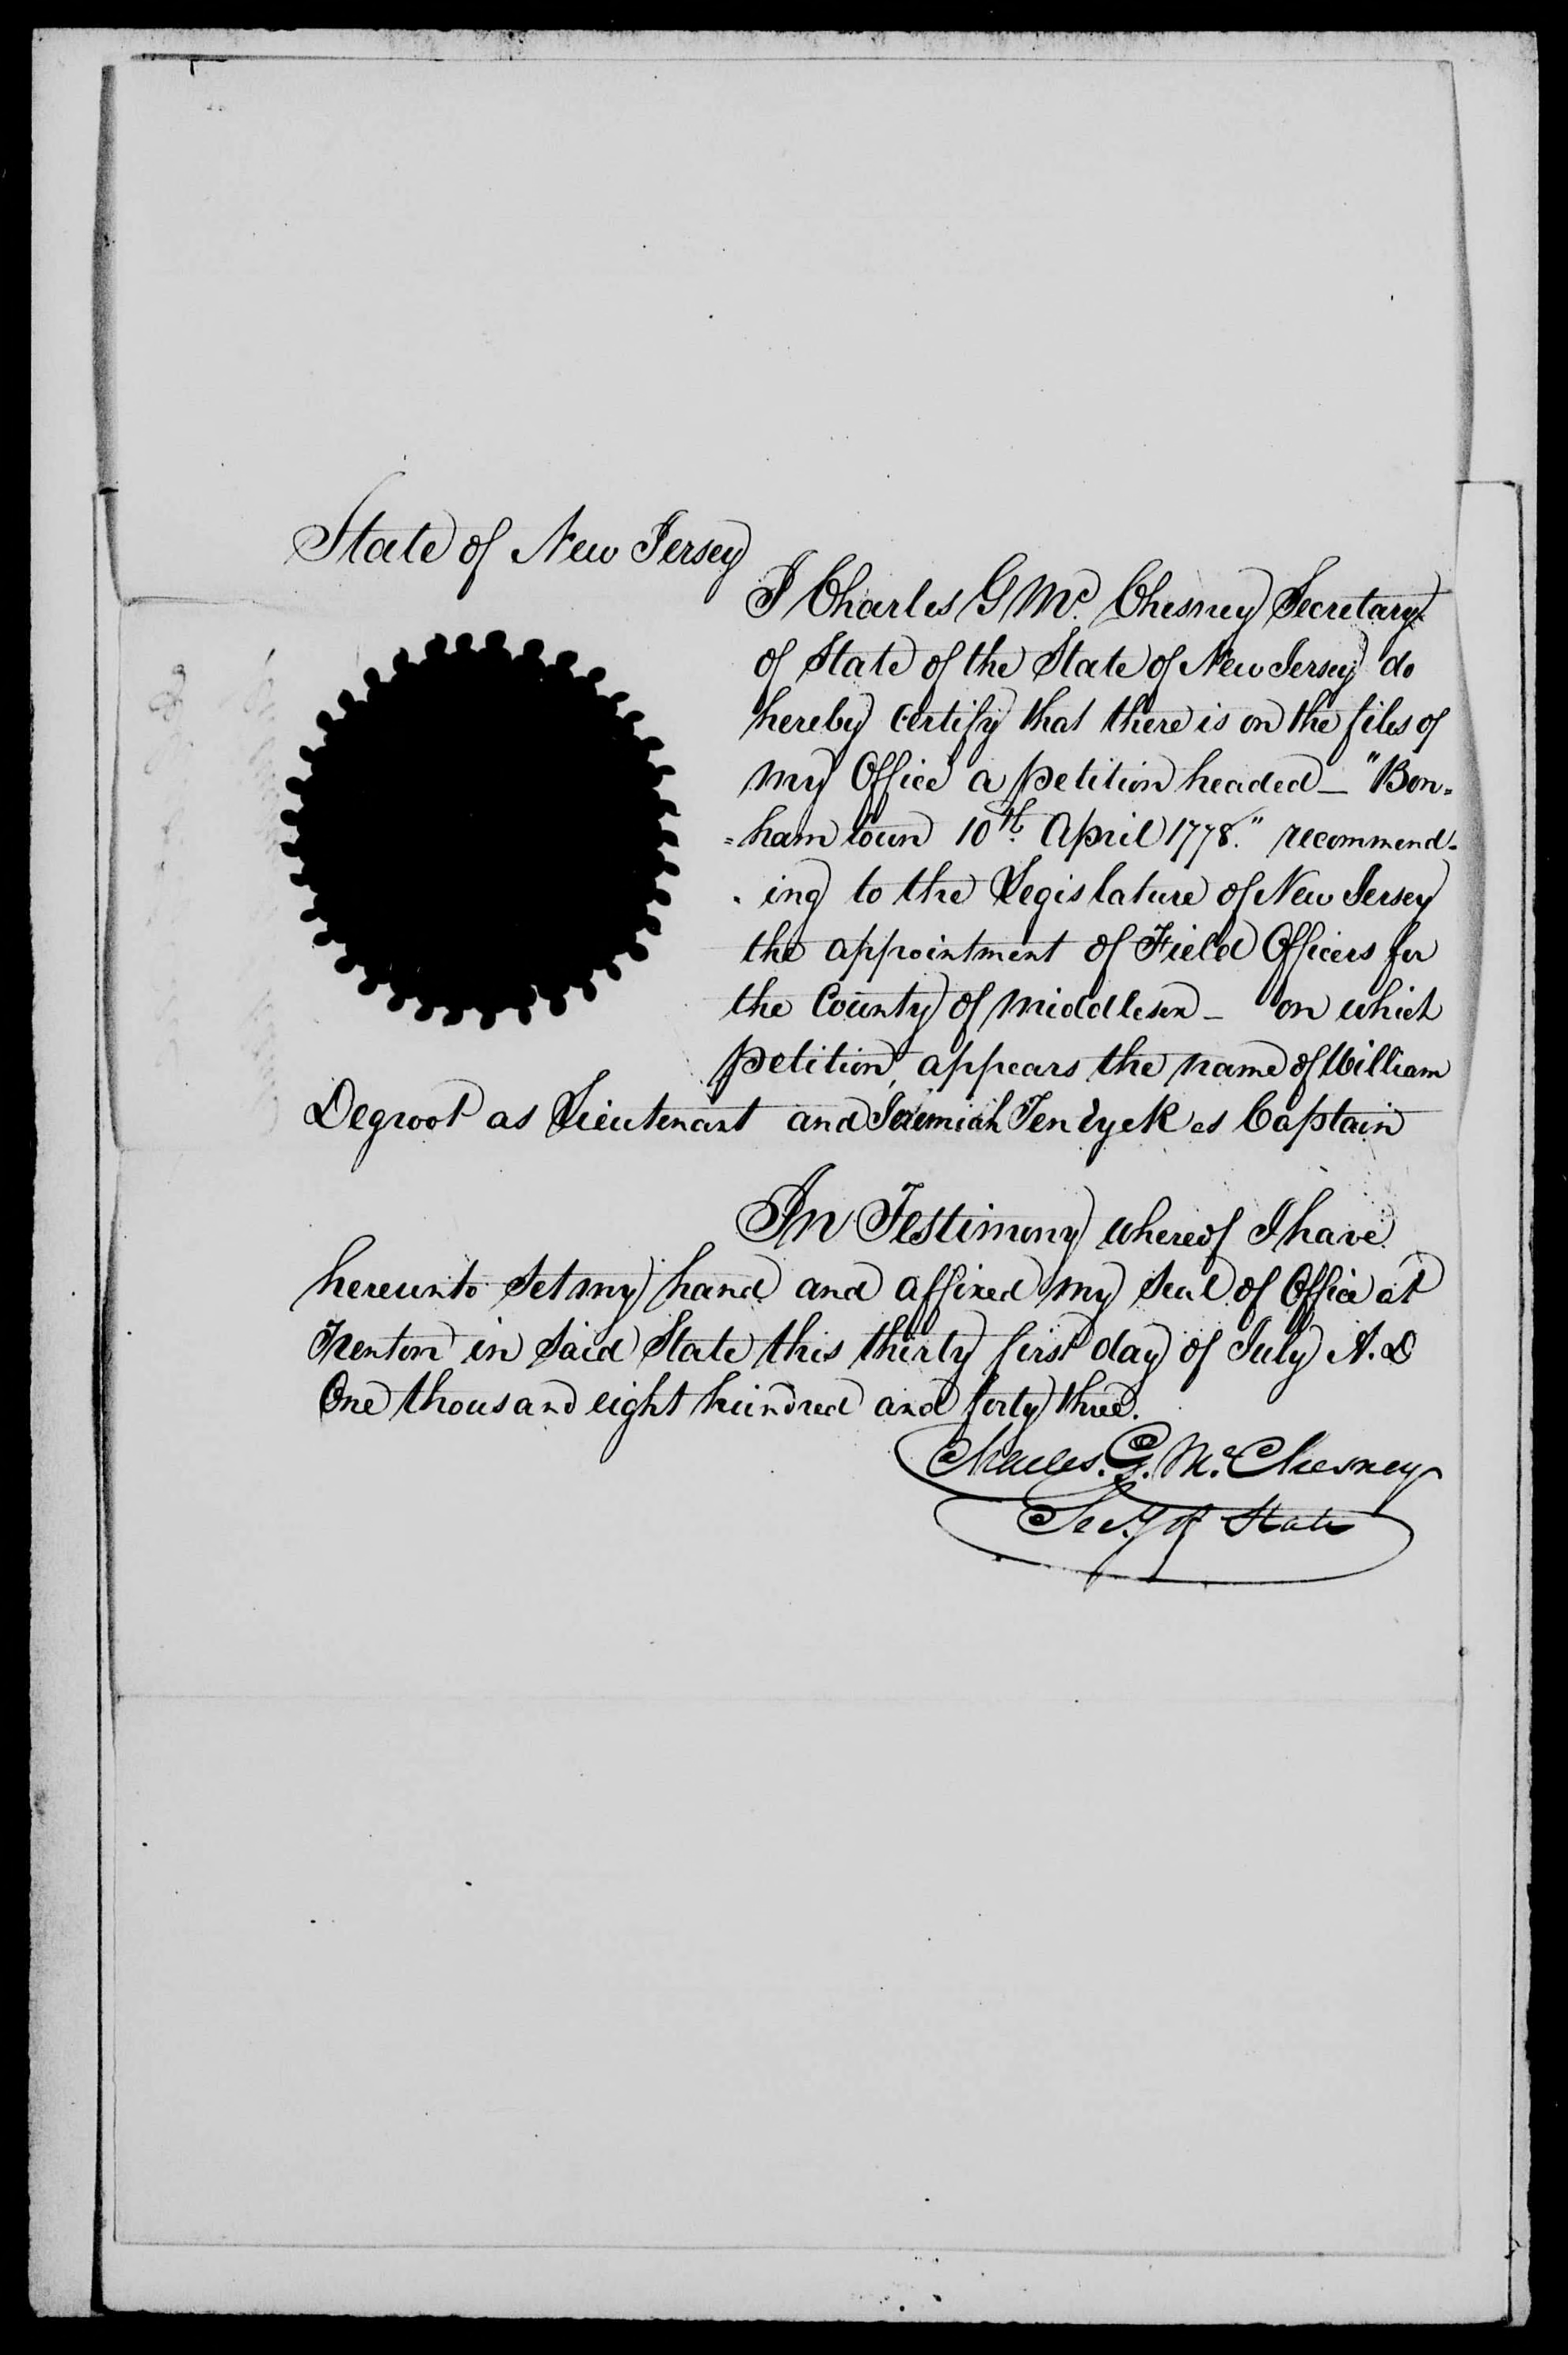State of New Jersey
I Charles G McChesney Secretary of State of the State of New Jersey do hereby certify that there is on the files of my office  a petition headed "Bonham town 10th April 1778" recommending to the Legislature of New Jersey the appointment of Field Officers for the County of Middlesex -- on which petition appears the name of William Degroot as Lieutenant and Jeremiah Ten Eyck as Captain
   In Testimony whereof I have hereunto set my hand and affixed my seal of office at Trenton in Said state this thirty first ay of July A.D. One thousand eight hundred and forty three.
Charles G McChesney Secy of State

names: Jeremiah Ten Eyck, Charles G Mc Chesney, Charles G Mc Chesney, William Degroot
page: 41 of 77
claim: widow's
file: W. 417, William De Groot, New Jersey